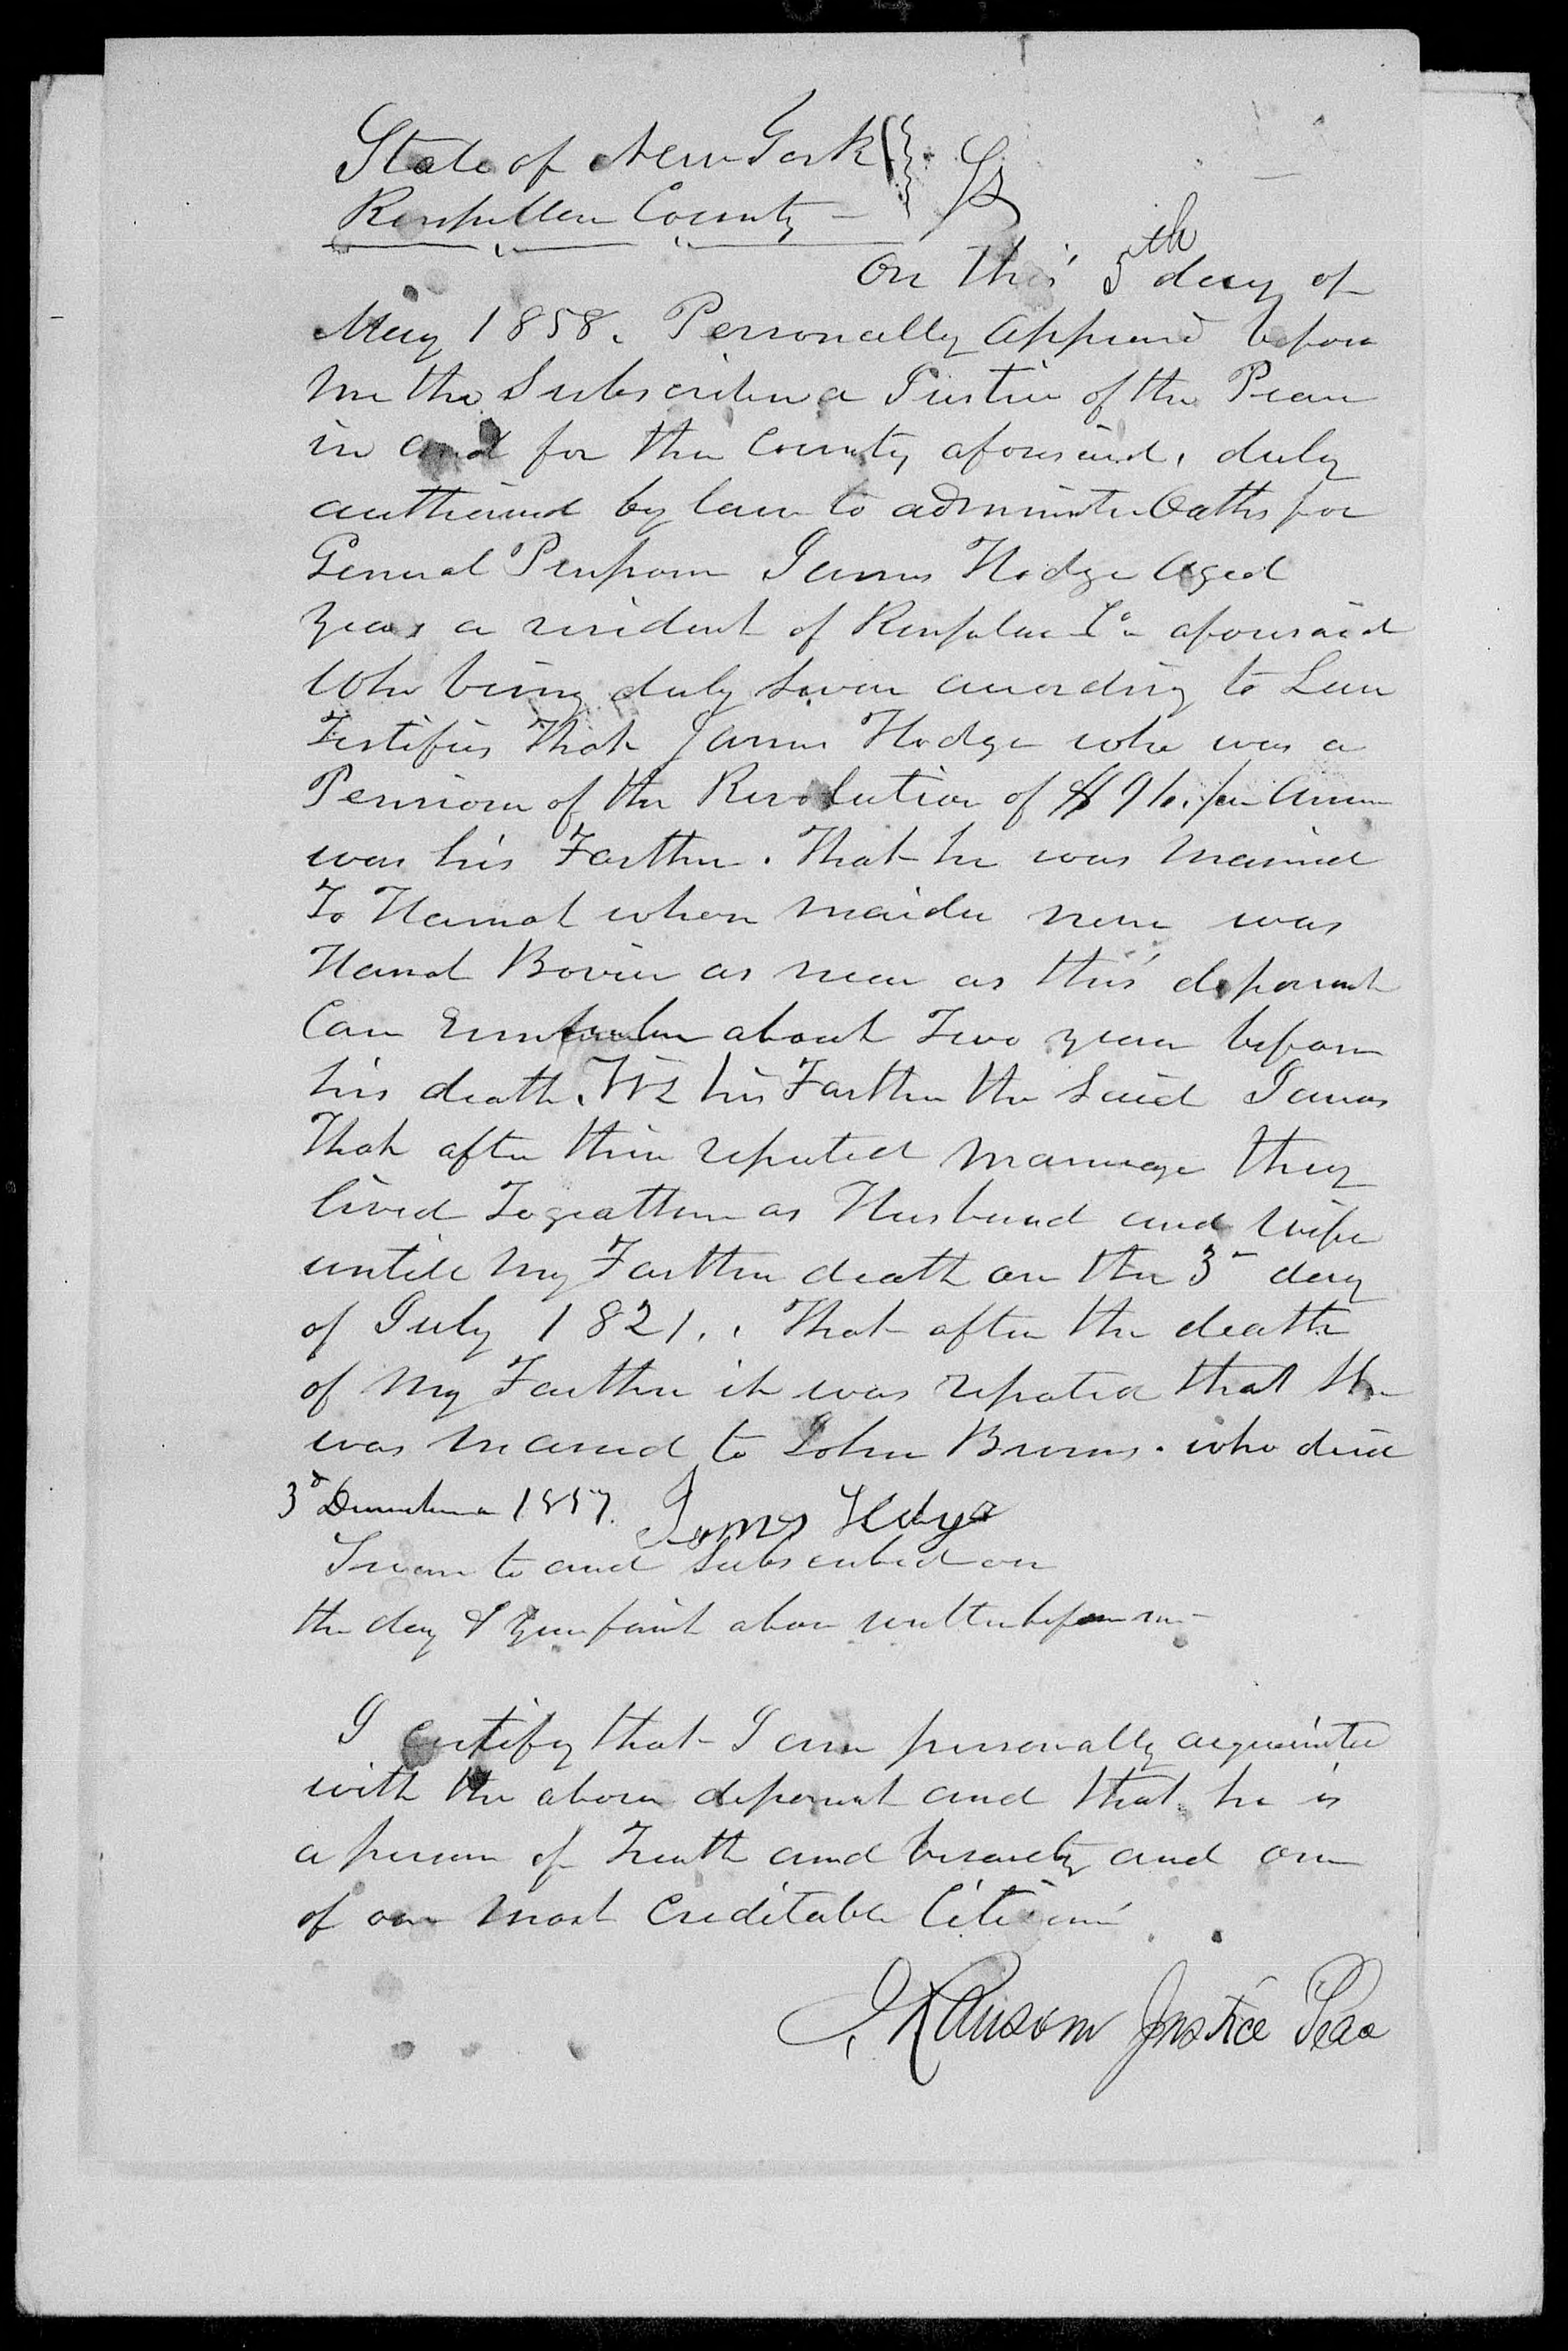State of New York
Rensselear County
On this 5th day of May 1858. Personally appeared before in the Subscriber a Justice of the Peace in and for the County aforesaid. duly authorized by law to administer Oaths for General Pension James Hodge aged [years] a resident of Rensselear in aforesaid. who being duly sworn according to law testifies that James Hodge who was a Pensioner of the Revolution of [illegible] even his Father. That he was married to Hannah whose maiden name was Hanah Bovier as near as this ? can [illegible] about five years before his death. Viz his Father the Said James that after their [illegible] marriage they lived together as Husband and Wife until my Father's death on the 3rd day of July 1821. That after the death of his Father it was [illegible] that [illegible] she was married to John Brown who died 3rd  December 1857. James Hodge Tenant and Subscriber on the day of ? above [illegible]
I certify that I was personally acquainted with the above defendant and that he is a person of Truth and veracity and as such credible citizen 
Ranson Justice Pease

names: J Ransom, James Hodge, James Hodge, Hannah, Hanah Bovier, John Burns, James Hodge, James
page: 48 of 48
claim: widow's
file: W. 10476, James Hodge, New York